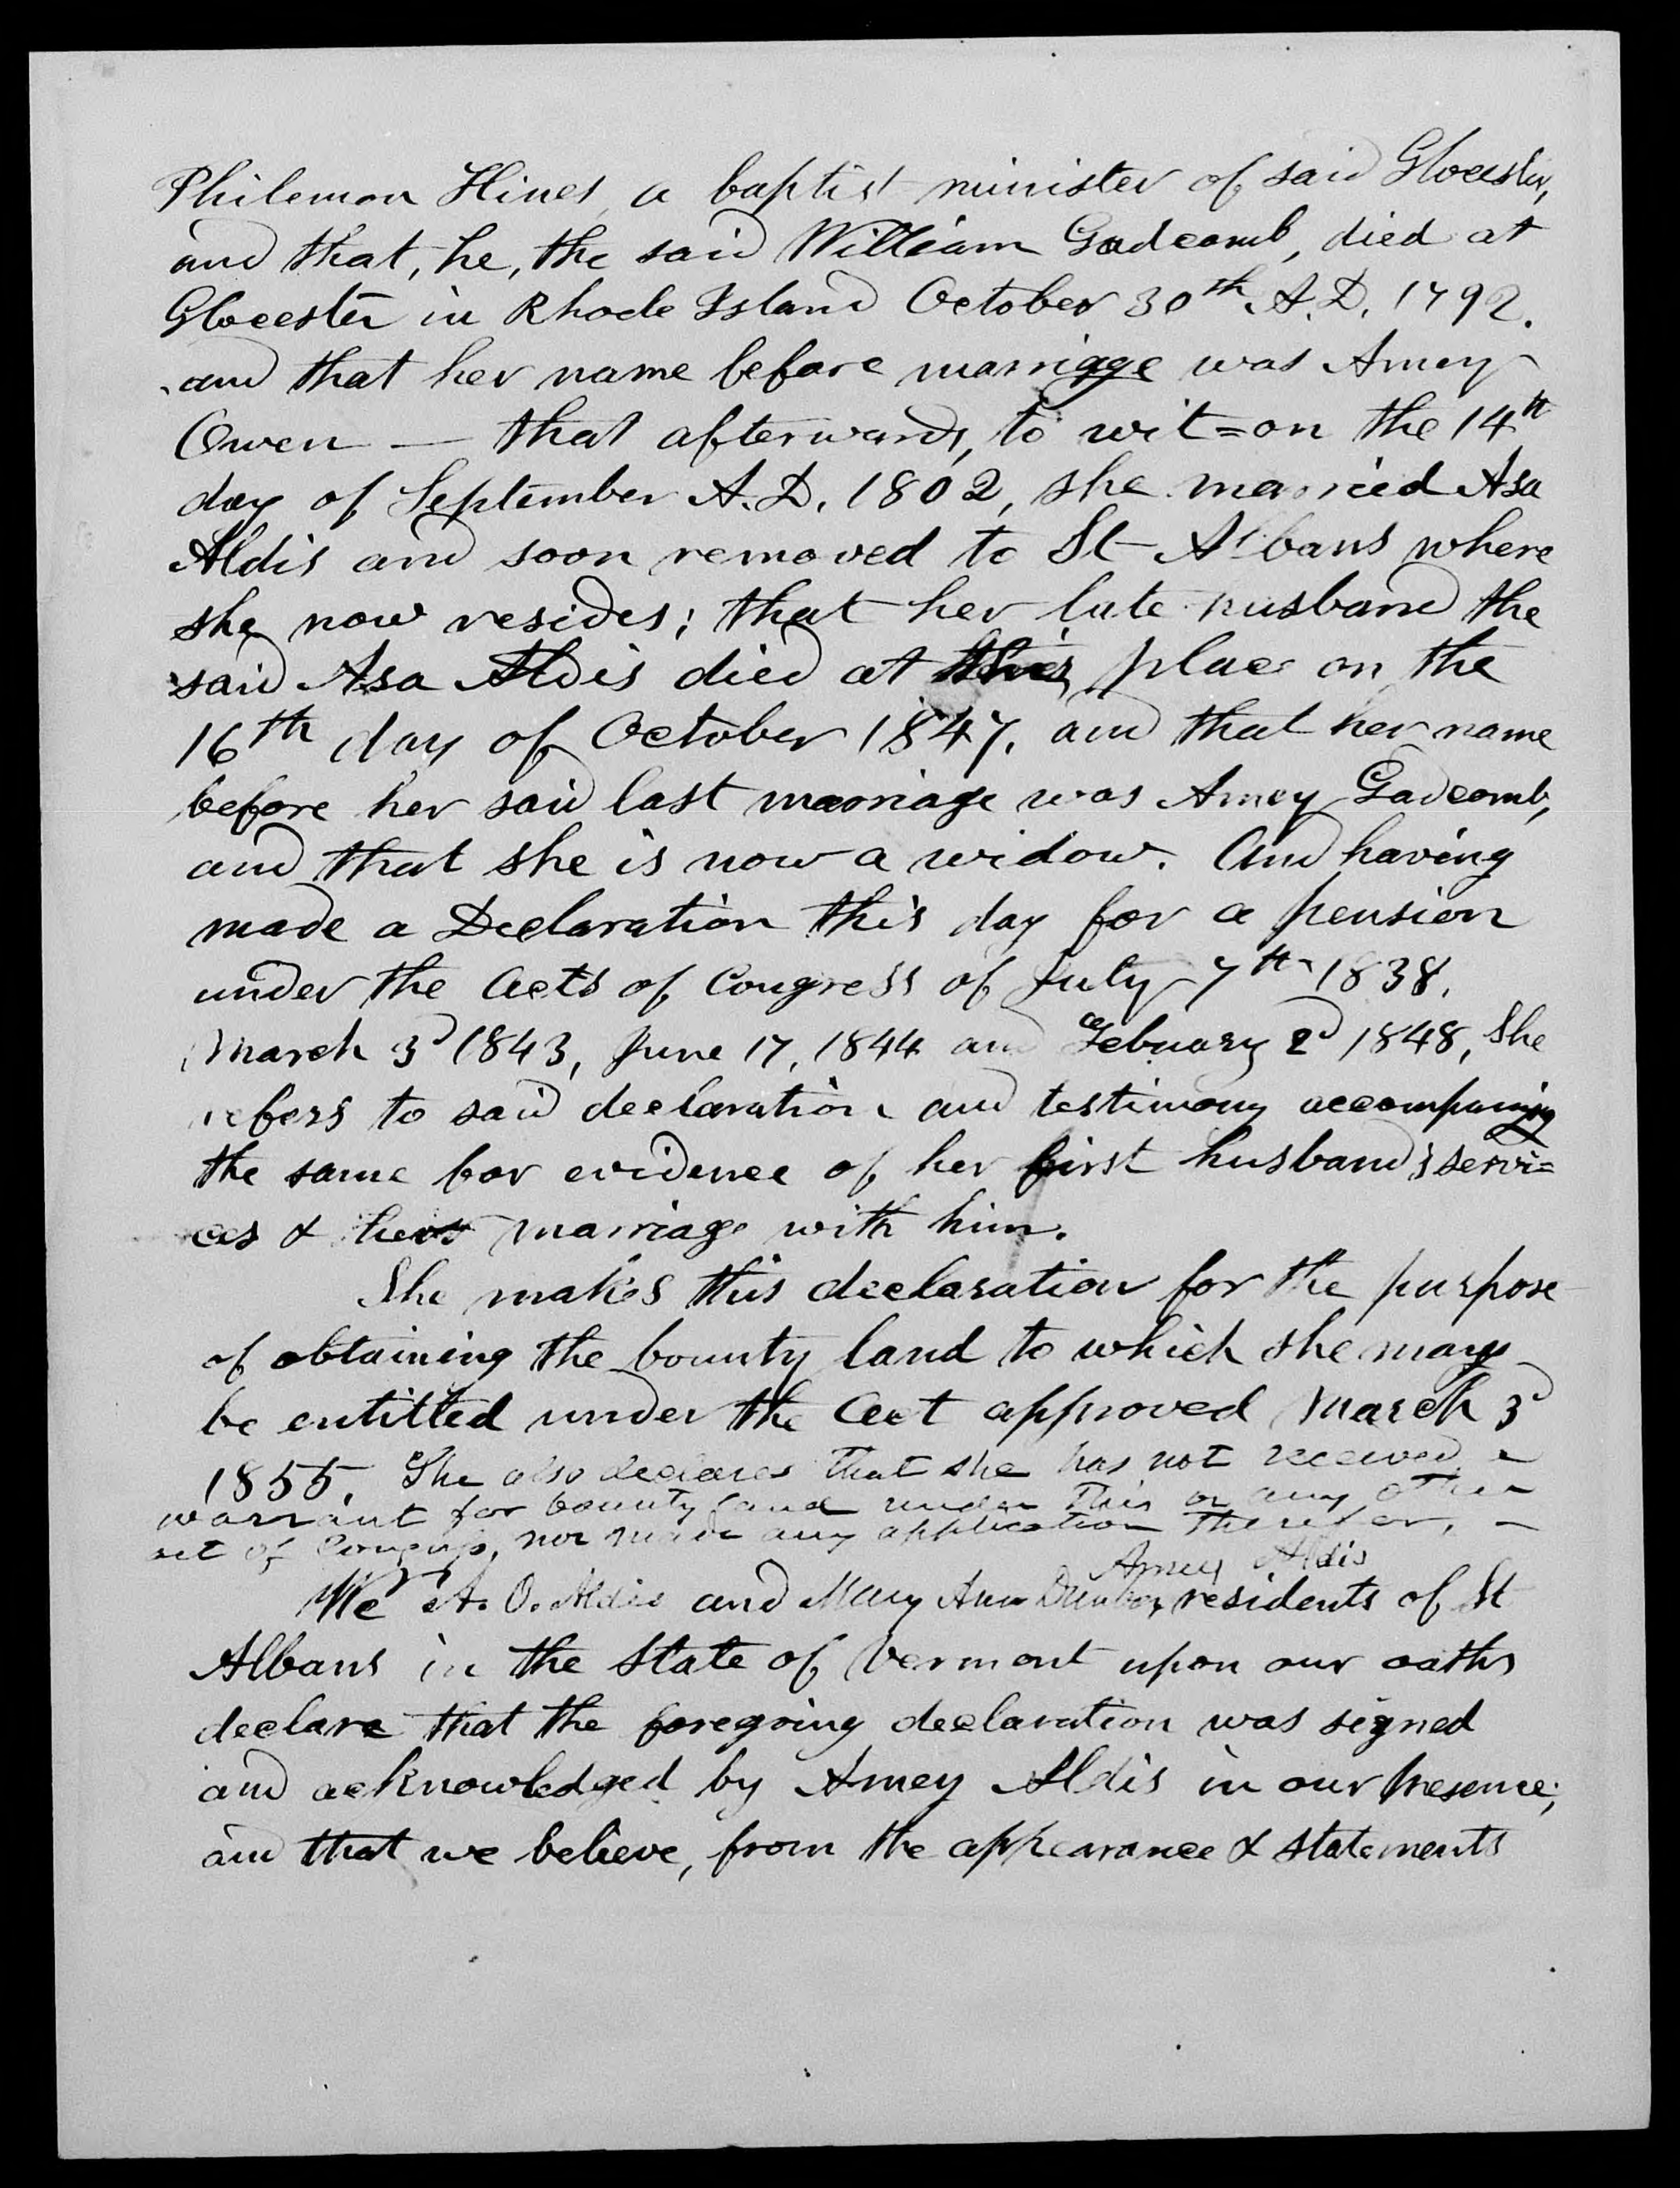Philemon Hines, a baptist minister of said Glocester
and that, he, the said William Gadcomb, died at
Glocester in Rhode Island October 30th A. D. 1792.
and that her name before marriage was Amey
Owen - that afterwards, to wit on the 14th
day of September A. D. 1802, she married Asa
Aldis and soon removed to St Albans where
she now resides; that her late husband the
said Asa Aldis died at this place on the
16th day of October 1847, and that her name
before her said last marriage was Amey Gadcomb and
that she is now a widow. And having
made a declaration this day for a pension
under the acts of Congress of July 7th 1838, 
March 3 1843, June 17, 1844 and February 2d 1848, she
refers to said declaration and testimony accompanying
the same for evidence of her first husband’s service
& her marriage with him.
She makes this declaration for the purpose
of obtaining the bounty land to which she may 
be entitled under the act approved March 3d
1855. She also declares that she has not received
warrant for bounty land under this or any other
act of Congress, nor made any application therefor. 
Amey Aldis
We A. O. Aldis and Mary Ann Dunber residents of St
Albans in the State of Vermont upon our oaths
declare that the foregoing declaration was signed
and acknowledged by Amey Aldis in our presence
and that we believe, from the appearance & statements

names: Mary Ann Dunbar, Amey Gadcomb, William Gadcomb, Asa Aldis, Amey Owen, Amey Aldis, Philemon Hines, A O Aldis, Amey Aldis, Asa Aldis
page: 10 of 76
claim: widow's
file: W. 15,517, William Gadcomb, R.I.